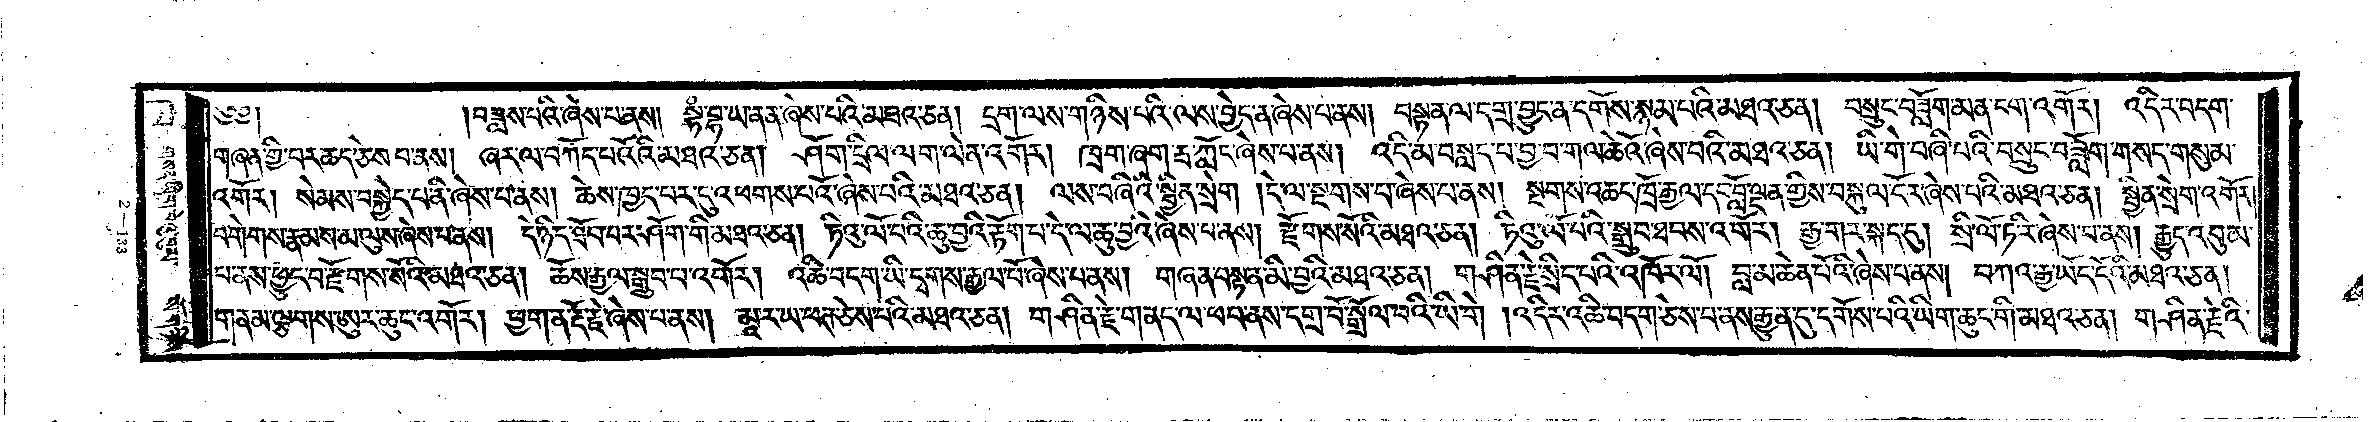༄༅། །བཟླས་པའི་ཞེས་པ་ནས། སྟཾ་བྷ་ཡན་ན་ཞེས་པའི་མཐའ་ཅན། དྲག་ལས་གཉིས་པའི་ལས་བྱེད་ན་ཞེས་པ་ནས། བསྟན་ལ་དགྲ་བྱུང་ན་དགོས་སྙམ་པའི་མཐའ་ཅན། བསྲུང་བཟློག་མན་ངག་འགོར། འདིར་བདག་
གཞན་གྱི་བར་ཆད་ཅེས་བ་ནས། ཞར་ལ་བཀོད་པའོའི་མཐའ་ཅན། ཤོག་དྲིལ་ལག་ལེན་འགོར། ཁྲག་ཞག་རྦ་ཀློང་ཞེས་པ་ནས། འདི་མ་བསླད་པ་བྱ་བ་གལ་ཆེའོ་ཞེས་པའི་མཐའ་ཅན། ཡི་གེ་བཞི་པའི་བསྲུང་བཟློག་གསད་གསུམ་
འགོར། སེམས་བསྐྱེད་པ་ནི་ཞེས་པ་ནས། ཆེས་ཁྱད་པར་དུ་འཕགས་པའོ་ཞེས་པའི་མཐའ་ཅན། ལས་བཞིའི་སྦྱིན་སྲེག །དེ་ལ་སྔགས་པ་ཞེས་པ་ནས། སྔགས་འཆང་ཁྲོ་རྒྱལ་དང་བློ་ལྡན་གྱིས་བསྐུལ་ངོར་ཞེས་པའི་མཐའ་ཅན། སྦྱིན་སྲེག་འགོར།
བགེགས་རྣམས་མ་ལུས་ཞེས་པ་ནས། དེ་ཉིད་ཐོབ་བར་ཤོག་གི་མཐའ་ཅན། ཏིའུ་ལོ་པའི་ཆུ་བྱའི་རྟོག་པ་དེ་ལ་ཆུ་བྱའི་ཞེས་པ་ནས། རྫོགས་སོའི་མཐའ་ཅན། ཏིའུ་ལོ་པའི་སྒྲུབ་ཐབས་འགོར། རྒྱ་གར་སྐད་དུ། སྲི་ལོ་ཏ་རི་ཞེས་པ་ནས། རྒྱུད་འབུམ་
པ་ནས་ཕྱུང་བ་རྫོགས་སོའི་མཐའ་ཅན། ཆོས་རྒྱལ་སྒྲུབ་པ་འགོར། འཆི་བདག་ཡི་དྭགས་རྒྱལ་པོ་ཞེས་པ་ནས། གཞན་བསྟན་མི་བྱའི་མཐའ་ཅན། གཤིན་རྗེ་སྲིད་པའི་འཁོར་ལོ། བླ་མ་ཆེན་པོའི་ཞེས་པ་ནས། བཀའ་རྒྱ་ཡོད་དོའི་མཐའ་ཅན།
གནམ་ལྕགས་ཨུར་ཆུང་འགོར། ཕྱག་ན་རྡོ་རྗེ་ཞེས་པ་ནས། མཱ་ར་ཡ་ཕཌ་ཅེས་པའི་མཐའ་ཅན། གཤིན་རྗེ་གནད་ལ་ཕབ་ནས་དགྲ་བོ་སྒྲོལ་བའི་ཡི་གེ། འདིར་འཆི་བདག་ཅེས་པ་ནས་རྒྱུན་དུ་དགོས་པའི་ཡིག་ཆུང་གི་མཐའ་ཅན། གཤིན་རྗེའི་